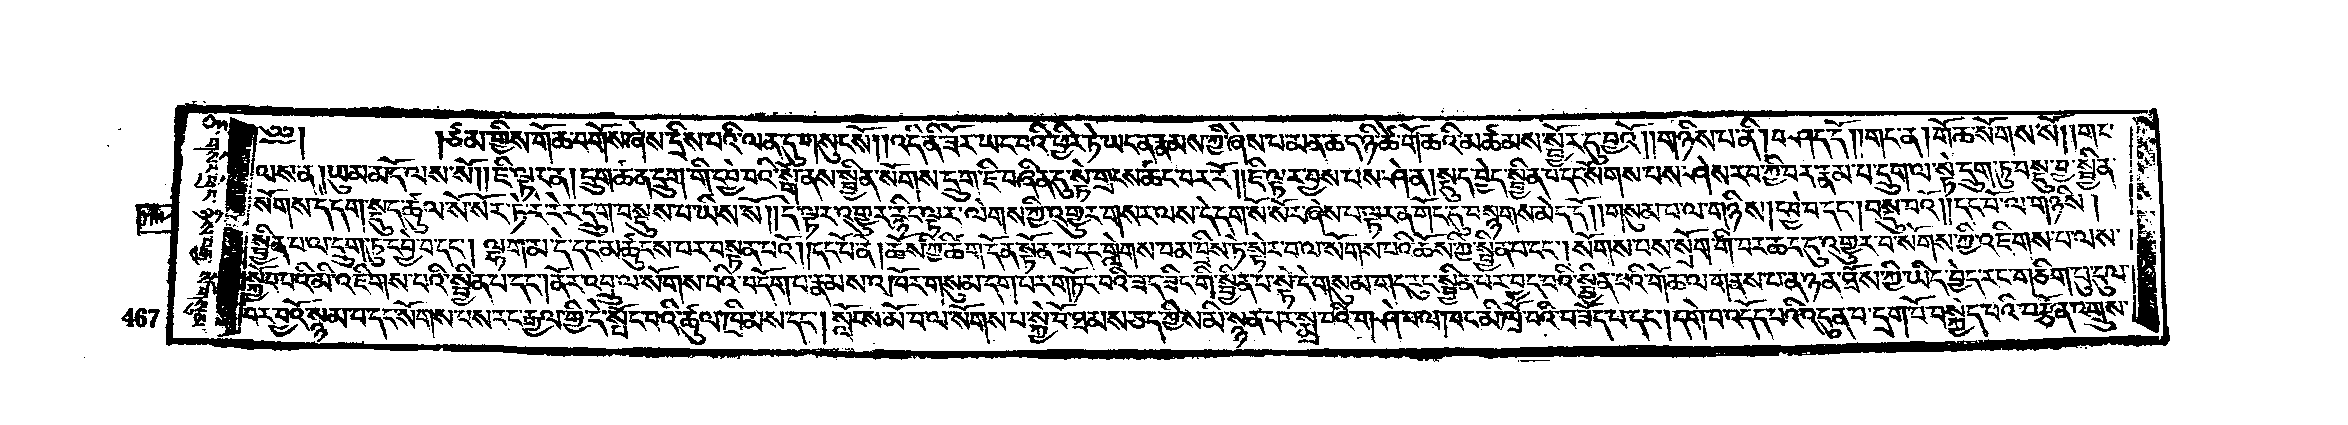༄༅། །ཙམ་གྱིས་གོ་ཆབ་གོས་ཞེས་དྲིས་པའི་ལན་དུ་གསུངས་སོ། །འདི་ནི་ཟོར་ཡང་བའི་ཕྱིར་ཏེ་ཡང་ན་རྣམས་ཀྱི་ཞེས་པ་མན་ཆད་ཉི་ཚེ་གོ་ཆའི་མཚམས་སྦྱོར་དུ་བྱའོ། །གཉིས་པ་ནི། བཤད་དོ། །གང་ན། གོ་ཆ་སོགས་སོ། །གང་
ལས་ན། ཡུམ་མདོ་ལས་སོ། །ཇི་ལྟར་ན། དྲུག་ཚན་དྲུག་གི་དབྱེ་བའི་སྒོ་ནས་སྦྱིན་སོགས་དྲུག་ཇི་བཞིན་དུ་སྟེ་གྲངས་ཚང་བར་རོ། །ཇི་ལྟར་བྱས་པས་ཤེ་ན། སྡུད་བྱེད་སྦྱིན་པ་དང་སོགས་པས་ཤེས་རབ་ཀྱི་བར་རྣམ་པ་དྲུག་ལ་སྟེ་དྲུག་ཏུ་བསྡུ་བྱ་སྦྱིན་
སོགས་དེ་དག་སྡུད་ཚུལ་སོ་སོར་ཏེ་རེ་རེར་དྲུག་བསྡུས་པ་ཡིས་སོ། །དེ་ལྟར་འགྱུར་རྙིང་ལྟར་ལེགས་ཀྱི་འགྱུར་གསར་ལས་དེ་དག་སོ་སོར་ཞེས་པ་ལྟར་ན་གོང་དུ་བསྙགས་མེད་དོ། །གསུམ་པ་ལ་གཉིས། དབྱེ་བ་དང་། བསྡུ་བའོ། །དང་པོ་ལ་གཉིས།
སྦྱིན་པ་ལ་དྲུག་ཏུ་དབྱེ་བ་དང་། ལྷག་མ་དེ་དང་མཚུངས་པར་བསྟན་པའོ། །དང་པོ་ནི། ཆོས་ཀྱི་ཚིག་དོན་སྟོན་པ་དང་གླེགས་བམ་བྲིས་ཏེ་སྟེར་བ་ལ་སོགས་པའི་ཆོས་ཀྱི་སྦྱིན་པ་དང་། སོགས་པས་སྲོག་གི་བར་ཆད་དུ་འགྱུར་བ་སོགས་ཀྱི་འཇིགས་པ་ལས་
སྐྱོབ་པའི་མི་འཇིགས་པའི་སྦྱིན་པ་དང་། ནོར་འབྲུ་ལ་སོགས་པའི་བདོག་པ་རྣམས་འཁོར་གསུམ་དག་པར་གཏོང་བའི་ཟད་ཟིང་གི་སྦྱིན་པ་སྟེ་དེ་གསུམ་གང་རུང་སྦྱིན་པར་བྱད་པའི་སྦྱིན་པའི་གོ་ཆ་ལ་གནས་པ་ན་ཉན་ཐོས་ཀྱི་ཡིད་བྱེད་རང་གཅིག་པུ་དུལ་
བར་བྱའོ་སྙམ་པ་དང་སོགས་པས་རང་རྒྱལ་གྱི་དེ་སྤོང་བའི་ཚུལ་ཁྲིམས་དང་། སློངས་མོ་བ་ལ་སོགས་པ་སྐྱེ་བོ་ཐམས་ཅད་ཀྱིས་མི་སྙན་པར་སྨྲ་བའི་གཤེ་བ་ལ་ཁང་མི་ཁྲོ་བའི་བཟོད་པ་དང་། དགེ་བ་འདོད་པའི་འདུན་པ་དྲག་པོ་བསྐྱེད་པའི་བརྩོན་འགྲུས་